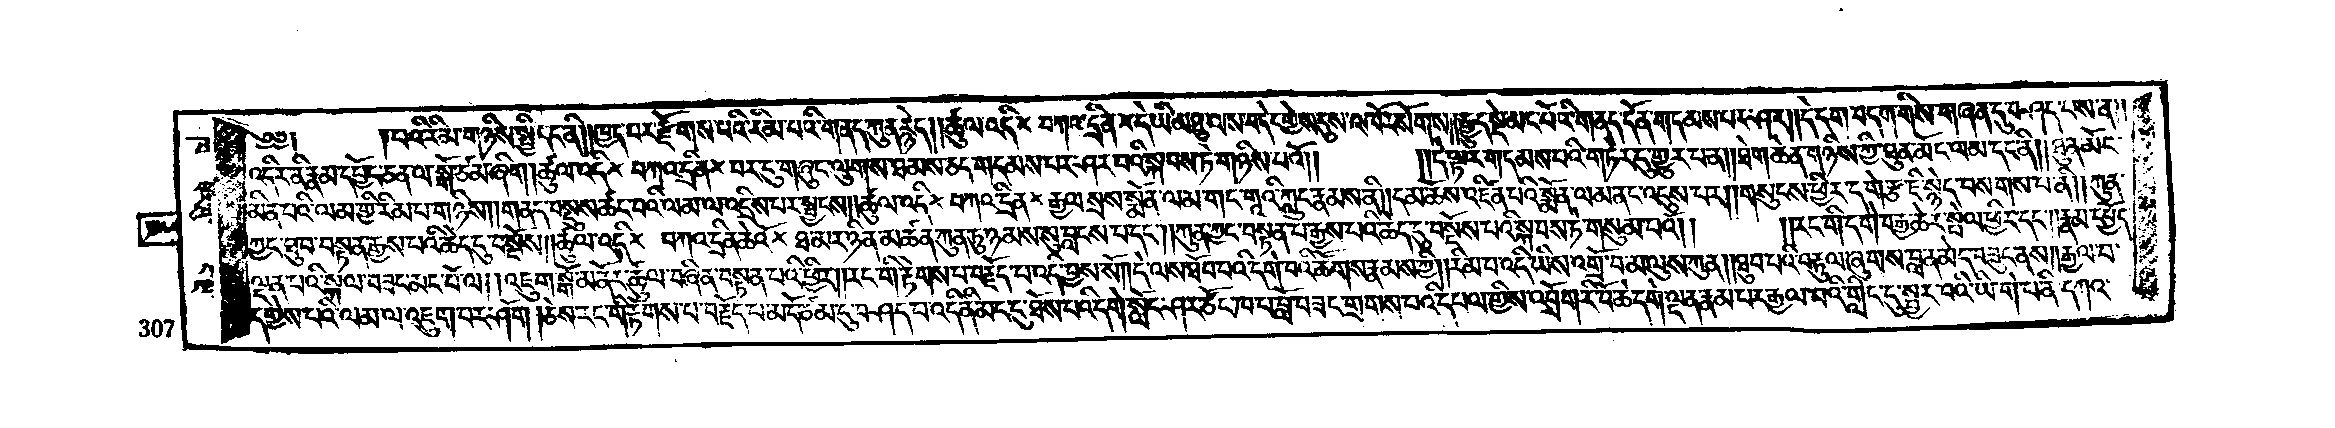༄༅། །པའི་རིམ་གཉིས་སྤྱི་དང་ནི། །ཁྱད་པར་རྫོགས་པའི་རིམ་པའི་གནད་ཀུན་རྙེད། །ཚུལ་འདི་྾་བཀའ་དྲིན་྾་དེ་ཡི་མཐུ་ལས་བདེན་དགྱེས་དུས་འཁོར་སོགས། །རྒྱུད་སྡེ་མང་པོའི་གནད་དོན་གདམས་པར་ཤར། །དེ་དག་བདག་གིས་གཞན་དུ་བཤད་པས་ན།།
འདིར་ནི་རྣམ་དཔྱོད་ཅན་ལ་སྒོ་ཙམ་ཞིག །ཚུལ་འདི་྾་བཀའ་དྲིན་྾་བར་དུ་གཞུང་ལུགས་ཐམས་ཅད་གདམས་པར་ཤར་བའི་སྐབས་ཏེ་གཉིས་པའོ།། །།དེ་ལྟར་གདམས་པའི་གཏེར་དུ་གྱུར་པ་ན། །ཐེག་ཆེན་གཉིས་ཀྱི་ཐུན་མོང་ལམ་དང་ནི། །ཐུན་མོང་
མིན་པའི་ལམ་གྱི་རིམ་པ་གཉིས། །གནད་བསྡུས་ཚང་བའི་ལམ་ལ་འདྲིས་པར་སྦྱངས། །ཚུལ་འདི་྾་བཀའ་དྲིན་྾་རྒྱལ་སྲས་སྨོན་ལམ་གང་གཱའི་ཀླུང་རྣམས་ནི། །དམ་ཆོས་འཛིན་པའི་སྨོན་ལམ་ནང་འདུས་པར། །གསུངས་ཕྱིར་དགེ་རྩ་ཇི་སྙེད་བསགས་པ་ནི། །ཀུན་
ཀྱང་ཐུབ་བསྟན་རྒྱས་པའི་ཆེད་དུ་བསྔོས། །ཚུལ་འདི་྾་བཀའ་དྲིན་ཆེའོ་྾་ཐ་མར་ཉིན་མཚན་ཀུན་ཏུ་ཉམས་སུ་བླངས་པ་དང་། །ཀུན་ཀྱང་བསྟན་པ་རྒྱས་པའི་ཆེད་དུ་བསྔོས་པའི་སྐབས་ཏེ་གསུམ་པའོ།། །།རང་གི་དགེ་བ་རྒྱ་ཆེར་སྤེལ་ཕྱིར་དང་། །རྣམ་དཔྱོད་
ལྡན་པའི་སྐལ་བཟང་མང་པོ་ལ། །འཇུག་སྒོ་མ་ནོར་ཚུལ་བཞིན་བསྟན་པའི་ཕྱིར། །རང་གི་རྟོགས་པ་བརྗོད་པ་འདི་བྱས་སོ། །དེ་ལས་ཐེབ་པའི་དགེ་བའི་ཚོགས་རྣམས་ཀྱི། །རིམ་པ་འདི་ཡིས་འགྲོ་བ་མ་ལུས་ཀུན། །ཐུབ་པའི་བརྟུལ་ཞུགས་བླ་ན་མེད་བཟུང་ནས། །རྒྱལ་བ་
དགྱེས་པའི་ལམ་ལ་འཇུག་པར་ཤོག །ཅེས་རང་གི་རྟོགས་པ་བརྗོད་པ་མདོ་ཙམ་དུ་བཤད་པ་འདི་ནི་མང་དུ་ཐོས་པའི་དགེ་སློང་ཤར་ཙོང་ཁ་པ་བློ་བཟང་གྲགས་པའི་དཔལ་གྱིས་འབྲོག་རི་བོ་ཆེ་དགེ་ལྡན་རྣམ་པར་རྒྱལ་བའི་གླིང་དུ་སྦྱར་བའི་ཡི་གེ་པ་ནི་དཀའ་